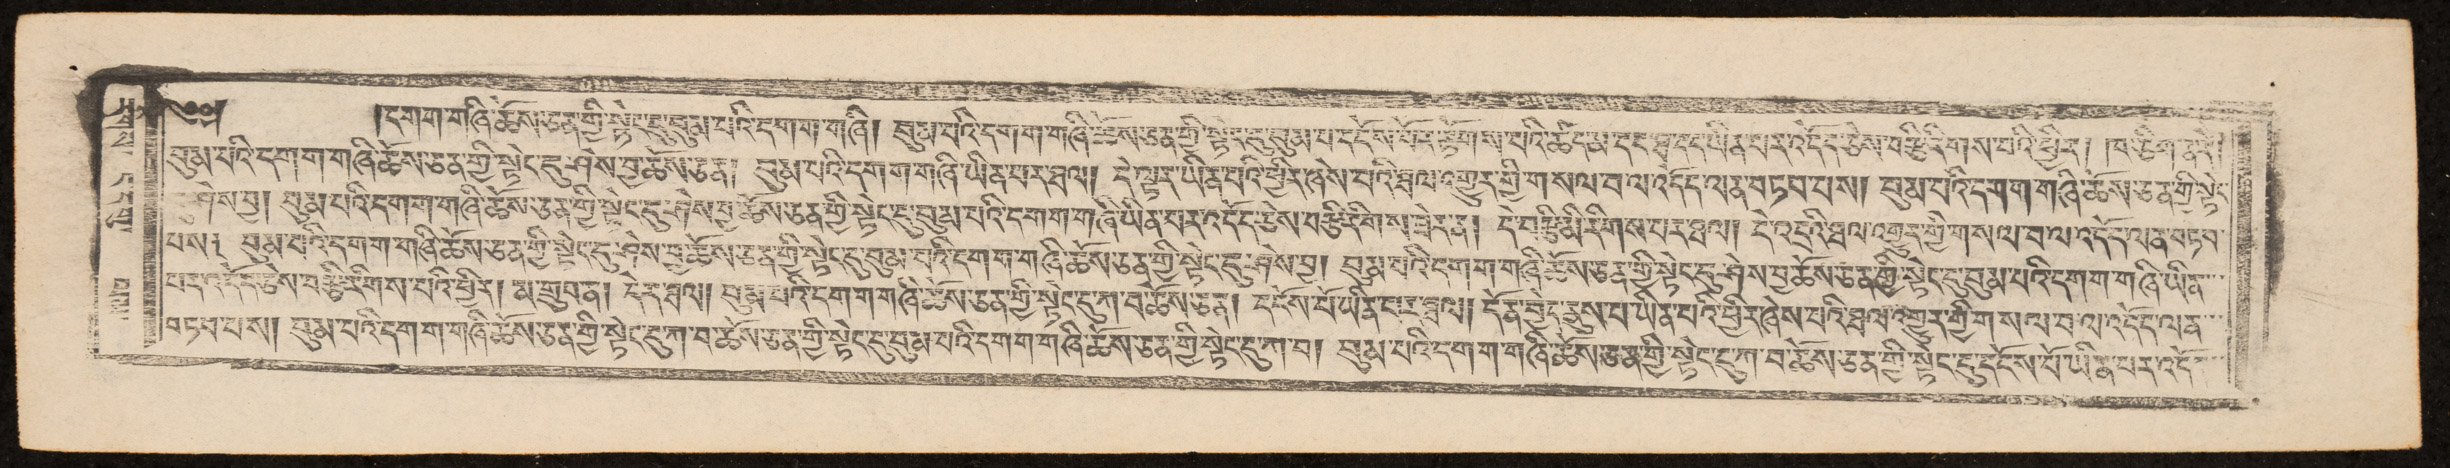༄༅། །དགག་གཞི་ཆོས་ཅན་གྱི་སྟེང་དུ་བུམ་པའི་དགག་གཞི། བུམ་པའི་དགག་གཞི་ཆོས་ཅན་གྱི་སྟེང་དུ་བུམ་པ་དངོས་པོར་རྟོགས་པའི་ཚད་མ་དང་ཐ་དད་ཡིན་པར་འདོད་ཅེས་བརྩི་རིགས་པའི་ཕྱིར། ཁ་ཅིག་ན་རེ།
བུམ་པའི་དགག་གཞི་ཆོས་ཅན་གྱི་སྟེང་དུ་ཤེས་བྱ་ཆོས་ཅན། བུམ་པའི་དགག་གཞི་ཡིན་པར་ཐལ། དེ་ལྟར་ཡིན་པའི་ཕྱིར་ཞེས་པའི་ཐལ་འགྱུར་གྱི་གསལ་བ་ལ་འདོད་ལན་བཏབ་པས། བུམ་པའི་དགག་གཞི་ཆོས་ཅན་གྱི་སྟེང་
དུ་ཤེས་བྱ། བུམ་པའི་དགག་གཞི་ཆོས་ཅན་གྱི་སྟེང་དུ་ཤེས་བྱ་ཆོས་ཅན་གྱི་སྟེང་དུ་བུམ་པའི་དགག་གཞི་ཡིན་པར་འདོད་ཅེས་བརྩི་རིགས་ཟེར་ན། དེ་བརྩི་མི་རིགས་པར་ཐལ། དེ་འདྲའི་ཐལ་འགྱུར་གྱི་གསལ་བ་ལ་འདོད་ལན་བཏབ་
པས། བུམ་པའི་དགག་གཞི་ཆོས་ཅན་གྱི་སྟེང་དུ་ཤེས་བྱ་ཆོས་ཅན་གྱི་སྟེང་དུ་བུམ་པའི་དགག་གཞི་ཆོས་ཅན་གྱི་སྟེང་དུ་ཤེས་བྱ། བུམ་པའི་དགག་གཞི་ཆོས་ཅན་གྱི་སྟེང་དུ་ཤེས་བྱ་ཆོས་ཅན་གྱི་སྟེང་དུ་བུམ་པའི་དགག་གཞི་ཡིན་
པར་འདོད་ཅེས་བརྩི་རིགས་པའི་ཕྱིར། མ་གྲུབ་ན། དེར་ཐལ། བུམ་པའི་དགག་གཞི་ཆོས་ཅན་གྱི་སྟེང་དུ་ཀ་བ་ཆོས་ཅན། དངོས་པོ་ཡིན་པར་ཐལ། དོན་བྱེད་ནུས་པ་ཡིན་པའི་ཕྱིར་ཞེས་པའི་ཐལ་འགྱུར་གྱི་གསལ་བ་ལ་འདོད་ལན་
བཏབ་པས། བུམ་པའི་དགག་གཞི་ཆོས་ཅན་གྱི་སྟེང་དུ་ཀ་བ་ཆོས་ཅན་གྱི་སྟེང་དུ་བུམ་པའི་དགག་གཞི་ཆོས་ཅན་གྱི་སྟེང་དུ་ཀ་བ། བུམ་པའི་དགག་གཞི་ཆོས་ཅན་གྱི་སྟེང་དུ་ཀ་བ་ཆོས་ཅན་གྱི་སྟེང་དུ་དངོས་པོ་ཡིན་པར་འདོད་